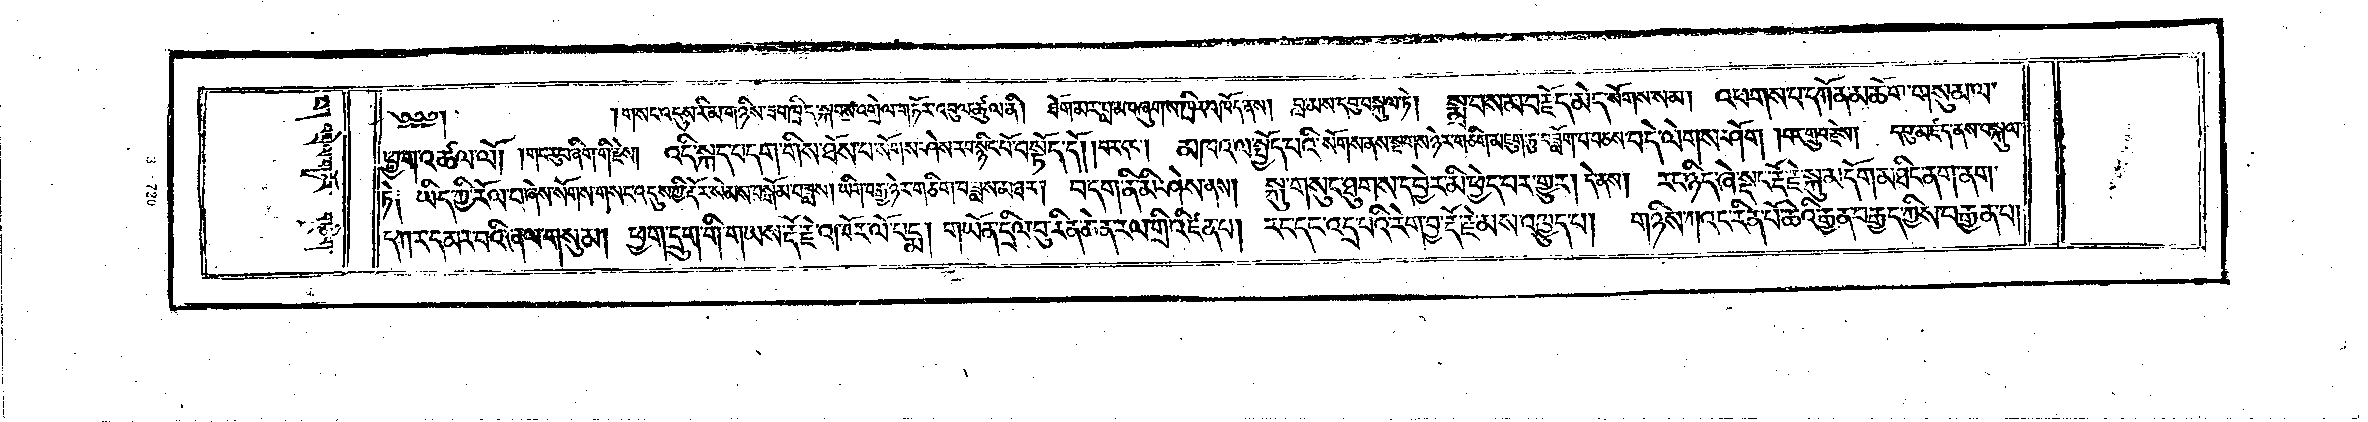༄༅༅། །གསང་འདུམ་རིམ་གཉིས་ཟབ་ཁྲིད་སྐབས་འགྲེལ་གཏོར་འབུལ་ཚུལ་ནི། ཐོག་མར་བླ་མ་བཞུགས་ཁྲིར་འཁོད་ནས། བླ་མས་དབུ་བསྐུལ་ཏེ།  སྨྲ་བསམ་བརྗོད་མེད་སོགས་སམ།  འཕགས་པ་དཀོན་མཆོག་གསུམ་ལ་
ཕྱག་འཚལ་ལོ། །གང་རུང་ཞིག་གི་རྗེས།  འདི་སྐད་བདག་གིས་ཐོས་པ་སོགས་ཤེས་རབ་སྙིང་པོ་བསྟོད་དོ། །བར་དང་།  མཁའ་ལ་སྤྱོད་པའི་སོགས་ནས་སྔགས་ཉེར་གཅིག་མཇུག་ཏུ་བཟློག་པ་བཅས་བདེ་ལེགས་ཤོག །བར་གྲུབ་རྗེས། དབུ་མཛད་ནས་བསྐུལ་
ཏེ༑ ཡིད་ཀྱི་རོལ་པ་ཞེས་སོགས་གསང་འདུས་ཀྱི་རྡོར་སེམས་བསྒོམ་བཟླས། ཡིག་བརྒྱ་ཉེར་གཅིག་བཟླས་མཐར།  བདག་ནི་མི་ཤེས་ནས། སྐུ་གསུང་ཐུགས་དབྱེར་མི་ཕྱེད་པར་གྱུར། དེ་ནས།  རང་ཉིད་ཞེ་སྡང་རྡོ་རྗེ་སྐུ་མདོག་མཐིང་ནག་ནག་
དཀར་དམར་བའི་ཞལ་གསུམ། ཕྱག་དྲུག་གི་གཡས་རྡོ་རྗེ་འཁོར་ལོ་པདམ། གཡོན་དྲིལ་བུ་རིན་ཆེན་རལ་གྲི་འཛིན་པ། རང་དང་འདྲ་བའི་རེག་བྱ་རྡོ་རྗེ་མས་འཁྱུད་པ། གཉིས་ཀའང་རིན་པོ་ཆེའི་རྒྱན་བརྒྱད་ཀྱིས་བརྒྱན་པ།